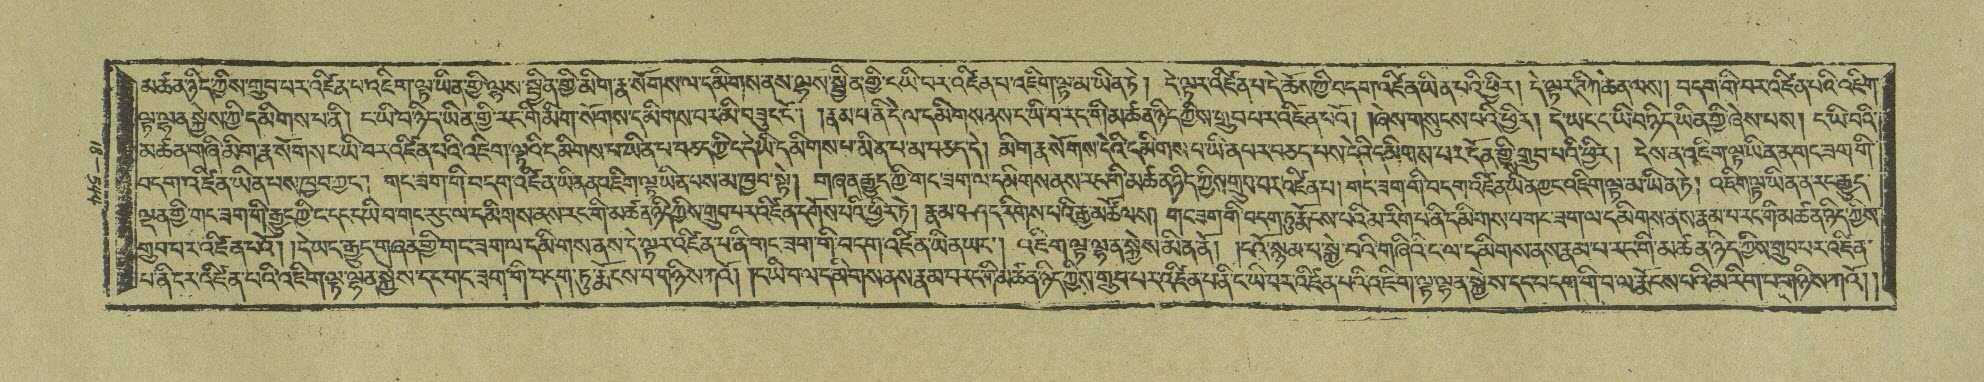མཚན་ཉིད་ཀྱིས་གྲུབ་པར་འཛིན་པ་འཇིག་ལྟ་ཡིན་གྱི་ལྷས་སྦྱིན་གྱི་མིག་རྣ་སོགས་ལ་དམིགས་ནས་ལྷས་སྦྱིན་གྱི་ང་ཡི་བར་འཛིན་པ་འཇིག་ལྟ་མ་ཡིན་ཏེ། དེ་ལྟར་འཛིན་པ་དེ་ཆོས་ཀྱི་བདག་འཛིན་ཡིན་པའི་ཕྱིར། དེ་ལྟར་ཊིཀ་ཆེན་ལས། བདག་གི་བར་འཛིན་པའི་འཇིག་
ལྟ་ལྷན་སྐྱེས་ཀྱི་དམིགས་པ་ནི། ང་ཡི་བ་ཉིད་ཡིན་གྱི་རང་གི་མིག་སོགས་དམིགས་པར་མི་བཟུང་ངོ། །རྣམ་པ་ནི་དེ་ལ་དམིགས་ནས་ང་ཡི་བ་རང་གི་མཚན་ཉིད་ཀྱིས་གྲུབ་པར་འཛིན་པའོ། །ཞེས་གསུངས་པའི་ཕྱིར། དེ་ཡང་ང་ཡི་བ་ཉིད་ཡིན་གྱི་ཞེས་པས། ང་ཡི་བའི་
མཚན་གཞི་མིག་རྣ་སོགས་ང་ཡི་བར་འཛིན་པའི་འཇིག་ལྟའི་དམིགས་པ་ཡིན་པ་བཅད་ཀྱི་ང་དེ་ཡི་དམིགས་པ་ཡིན་པ་མ་བཅད་དེ། མིག་རྣ་སོགས་དེའི་དམིགས་པ་ཡིན་པར་བཅད་པས་དེའི་དམིགས་པར་དོན་གྱི་གྲུབ་པའི་ཕྱིར། དེས་ན་འཇིག་ལྟ་ཡིན་ན་གང་ཟག་གི་
བདག་འཛིན་ཡིན་པས་ཁྱབ་ཀྱང་། གང་ཟག་གི་བདག་འཛིན་ཡིན་ན་འཇིག་ལྟ་ཡིན་པས་མ་ཁྱབ་སྟེ། གཞན་རྒྱུད་ཀྱི་གང་ཟག་ལ་དམིགས་ནས་རང་གི་མཚན་ཉིད་ཀྱིས་གྲུབ་པར་འཛིན་པ། གང་ཟག་གི་བདག་འཛིན་ཡིན་ཀྱང་འཇིག་ལྟ་མ་ཡིན་ཏེ། འཇིག་ལྟ་ཡིན་ན་རང་རྒྱུད་
ལྡན་གྱི་གང་ཟག་གི་རྒྱུད་ཀྱི་ང་དང་ང་ཡི་བ་གང་རུང་ལ་དམིགས་ནས་རང་གི་མཚན་ཉིད་ཀྱིས་གྲུབ་པར་འཛིན་དགོས་པའི་ཕྱིར་ཏེ། རྣམ་བཤད་རིགས་པའི་རྒྱ་མཚོ་ལས། གང་ཟག་གི་བདག་ཏུ་རྨོངས་པའི་མ་རིག་པ་ནི་དམིགས་པ་གང་ཟག་ལ་དམིགས་ནས་རྣམ་པ་རང་གི་མཚན་ཉིད་ཀྱིས་
གྲུབ་པར་འཛིན་པའོ། །དེ་ཡང་རྒྱུད་གཞན་གྱི་གང་ཟག་ལ་དམིགས་ནས་དེ་ལྟར་འཛིན་པ་ནི་གང་ཟག་གི་བདག་འཛིན་ཡིན་ཡང་། འཇིག་ལྟ་ལྷན་སྐྱེས་མིན་ནོ། །ངའོ་སྙམ་པ་སྐྱེ་བའི་གཞིའི་ང་ལ་དམིགས་ནས་རྣམ་པ་རང་གི་མཚན་ཉིད་ཀྱིས་གྲུབ་པར་འཛིན་
པ་ནི་ངར་འཛིན་པའི་འཇིག་ལྟ་ལྷན་སྐྱེས་དང་གང་ཟག་གི་བདག་ཏུ་རྨོངས་པ་གཉིས་ཀའོ། །ང་ཡི་བ་ལ་དམིགས་ནས་རྣམ་པ་རང་གི་མཚན་ཉིད་ཀྱིས་གྲུབ་པར་འཛིན་པ་ནི་ང་ཡི་བར་འཛིན་པའི་འཇིག་ལྟ་ལྷན་སྐྱེས་དང་བདག་གི་བ་ལ་རྨོངས་པའི་མ་རིག་པ་གཉིས་ཀའོ། །